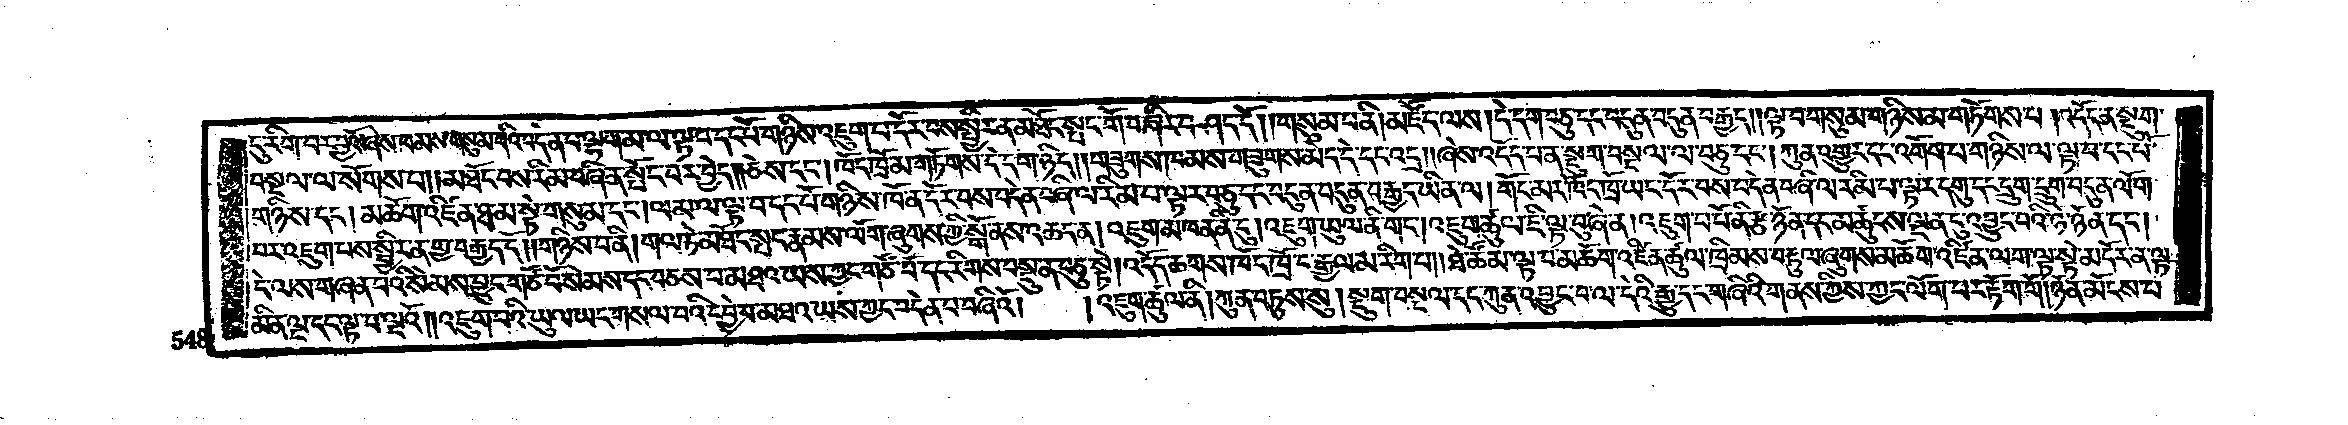དུ་རིག་པར་བྱའོ་ཞེས་ཁམས་གསུམ་པའི་བདེན་པ་ལྷག་མ་ལ་ལྟ་བ་དང་པོ་གཉིས་འཇུག་པ་དོར་བས་སྤྱིར་ན་མཐོང་སྤང་གོ་བཞིར་བཤད་དོ། །གསུམ་པ་ནི། མཛོད་ལས། དེ་དག་བཅུ་དང་བདུན་བདུན་བརྒྱད། །ལྟ་བ་གསུམ་གཉིས་མ་གཏོགས་པ། འདོད་ན་སྡུག་
བསྔལ་ལ་སོགས་པ། །མཐོང་བས་རིམ་བཞིན་སྤོང་བར་བྱེད། །ཅེས་དང་། ཁོང་ཁྲོ་མ་གཏོགས་དེ་དག་ཉིད། །གཟུགས་ཁམས་གཟུགས་མེད་དེ་དང་འདྲ། །ཞེས་འདོད་པ་ན་སྡུག་བསྔལ་ལ་བཅུ་དང་། ཀུན་འགྱུར་དང་འགོག་པ་གཉིས་ལ་ལྟ་པ་དང་པོ་
གཉིས་དང་། མཆོག་འཛིན་ཐ་མ་སྟེ་གསུམ་དང་། ལམ་ལ་ལྟ་བ་དང་པོ་གཉིས་ཁོ་ན་དོར་བས་བདེན་བཞི་ལ་རིམ་པ་ལྟར་བཅུ་དང་བདུན་བདུན་བརྒྱད་ཡིན་ལ། གོང་མར་ཁོང་ཁྲོ་ཡང་དོར་བས་བདེན་བཞི་ལ་རིམ་པ་ལྟར་དགུ་དང་དྲུག་དྲུག་བདུན་ལོག་
པར་འཇུག་པས་སྤྱིར་ན་གྱ་བརྒྱད་དེ། །གཉིས་པ་ནི། གལ་ཏེ་མཐོང་སྤང་རྣམ་ལོག་ཞུགས་ཀྱི་སྒོ་ནས་འཆད་ན། འཇུག་མཁན་ནི་དུ། འཇུག་ཡུལ་ནི་གང་། འཇུག་ཚུལ་ཇི་ལྟ་བུ་ཞེ་ན། འཇུག་པ་པོ་ནི་རྩ་ཉོན་དང་མཚུངས་ལྡན་དུ་འབྱུང་བའི་ཉེ་ཉོན་དང་།
དེ་ལས་གཞན་པའི་སེམས་བྱུང་གཙོ་པོ་སེམས་དང་བཅས་པ་མཐའ་ཡས་ཀྱང་གཙོ་བོ་དང་རིགས་བསྡུ་ན་བཅུ་སྟེ། འདོད་ཆགས་ཁོང་ཁྲོ་ང་རྒྱལ་མ་རིག་པ། །ཐེ་ཚོམ་ལྟ་བ་མཆོག་འཛིན་ཚུལ་ཁྲིམས་བརྟུལ་ཞུགས་མཆོག་འཛིན་ལག་ལྟ་སྟེ་མདོར་ན་ལྟ་
མིན་ལྔ་དང་ལྟ་བ་ལྔའོ། །འཇུག་པའི་ཡུལ་ཡང་གསལ་བའི་དབྱེ་བ་མཐའ་ཡས་ཀྱང་བདེན་པ་བཞིའོ། །འཇུག་ཚུལ་ནི། ཀུན་བཏུས་སུ། སྡུག་བསྔལ་དང་ཀུན་འབྱུང་བ་ལ་དེའི་རྒྱུ་དག་གཞིའི་གནས་ཀྱིས་ཀྱང་ལོག་པར་རྟོགས་གོ །ཉིན་མོངས་པ་